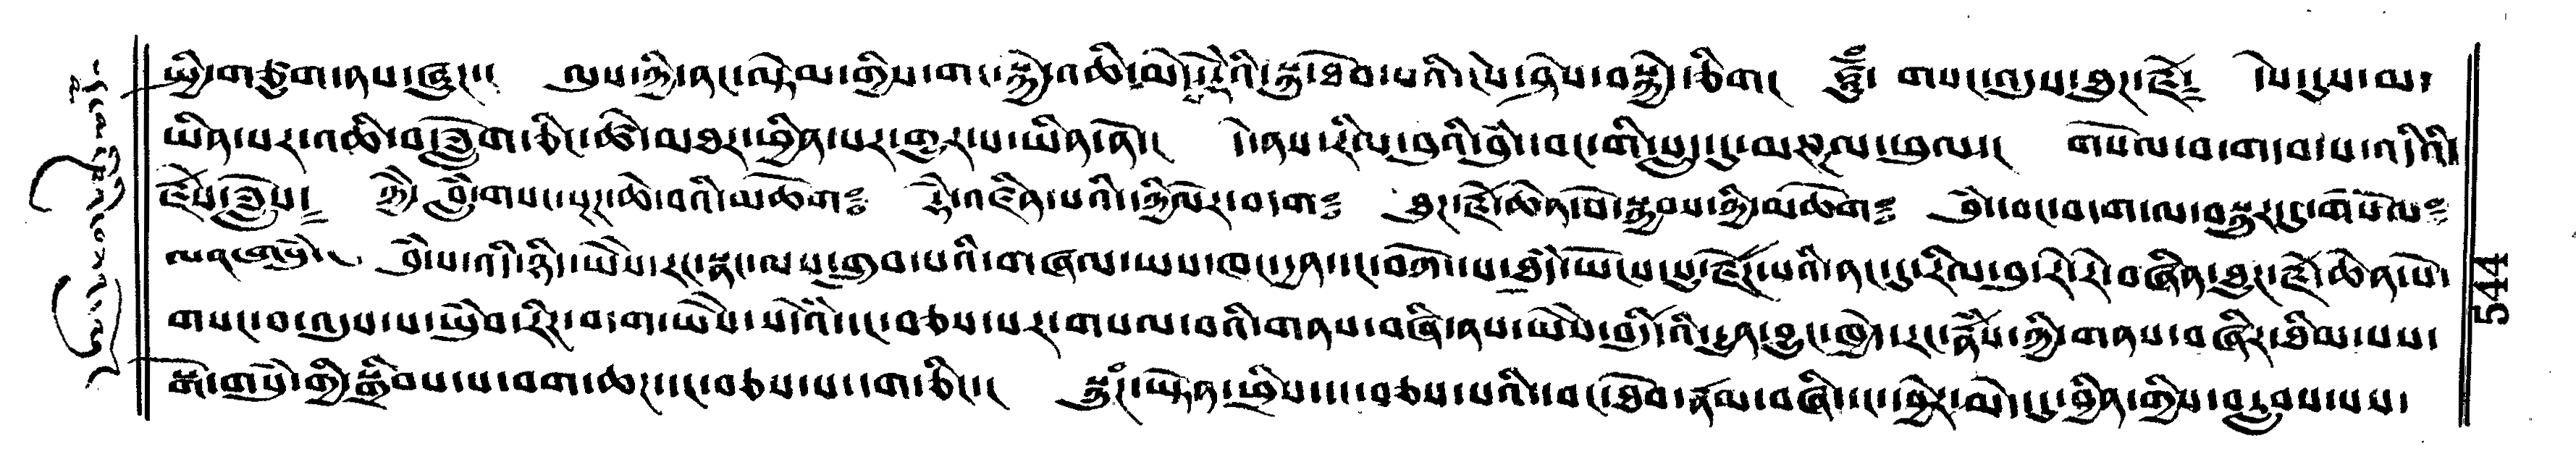སྤྱི་གཙུག་ནས་ཞུགས། ལུས་ཀྱི་ནང་ལྟེམ་གྱིས་གང་སྐྱེ་འཆི་མེད་པའི་རྡོ་རྗེའི་སྐུ་ཐོབ་པའི་ངེས་ཤེས་སྐྱེད་ཅིག ཧཱུྃ། གསང་འདུས་ཐུགས་རྗེས༴ དེས་དུས་མ་
ཡིན་པར་འཆི་བ་ཟློག་ཅིང་ཚེ་མཐར་ཕྱིན་པར་གྱུར་པ་ཡིན་ནོ། དེ་ནས་རིལ་བུའི་བུམ་དབང་གི་སླད་དུ་མཎྜལ་ཕུལ། གསོལ་བ་གདབ་པ་འདིའི་
རྗེས་ཟློས། ཀྱཻ། བླ་མ་གསང་སྔགས་ཆེ་བའི་མཆོག༔ རྡོ་རྗེ་འཛིན་པའི་དཀྱིལ་འཁོར་བདག༔ ཐུགས་རྗེ་ཆེན་པོ་སྐྱབས་ཀྱི་མཆོག༔ བུམ་དབང་བདག་ལ་སྐུར་དུ་གསོལ༔ 
ལན་གསུམ། བུམ་པ་འདི་ཉིད་ཡེ་ཤེས་རང་སྣང་ལས་གྲུབ་པའི་གཞལ་ཡས་ཁང་རྒྱན་དང་བཀོད་པ་ཐམས་ཅད་ཡོངས་སུ་རྫོགས་པའི་ནང་དུ་རིལ་བུ་རེ་རེ་བཞིན་ཐུགས་རྗེ་ཆེན་པོ་
གསང་བ་འདུས་པ་ཡབ་ཡུམ་རིགས་བདག་ཡེ་ཤེས་སེམས་དཔའ་དང་བཅས་པར་གསལ་བའི་གནས་བཞི་ནས་ཡེ་ཤེས་བདུད་རྩིའི་རྒྱུན་བྱུང་ཁྱེད་རང་རྣམས་ཀྱི་གནས་བཞིར་ཐིམ་པས་
སྒོ་གསུམ་གྱི་སྒྲིབ་པ་བག་ཆགས་དང་བཅས་པ་དག་ཅིང་། སྐུ་གསུང་ཐུགས་ཡོན་ཏན་ཕྲིན་ལས་དང་བཅས་པའི་དབང་ཐོབ་རྣམ་བཞི་དང་དབྱེར་མེད་དུ་བྱིན་གྱི་བརླབས་པས་